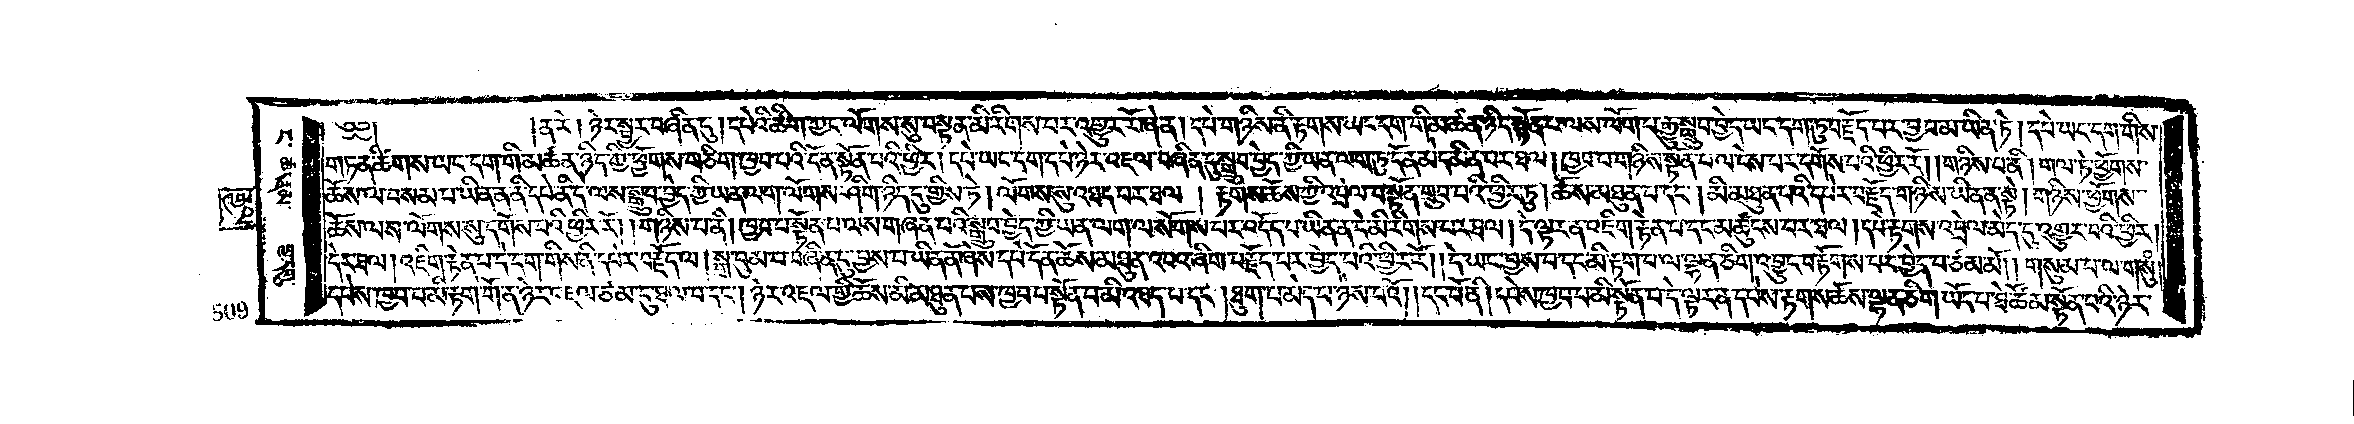༄༅། །ན་རེ། ཉེར་སྦྱར་བཞིན་དུ། དཔེའི་ཚིག་ཀྱང་ལོགས་སུ་བསྟན་མི་རིགས་པར་འགྱུར་རོ་ཞེ་ན། དཔེ་གཉིས་ནི་རྟགས་ཡང་དག་གི་མཚན་ཉིད་སྟོན་པ་ལས་ལོག་པ་རྒྱུ་སྒྲུབ་བྱེད་ཡང་དག་ཏུ་བརྗོད་པར་བྱ་བ་མ་ཡིན་ཏེ། དཔེ་ཡང་དག་གིས་
གཏན་ཚིགས་ཡང་དག་གི་མཚན་ཉིད་ཀྱི་ཕྱོགས་གཅིག་ཁྱབ་པའི་དོན་སྟོན་པའི་ཕྱིར། དཔེ་ཡང་དག་དཔེ་ཉེར་འཇལ་བཞིན་དུ་སྒྲུབ་བྱེད་ཀྱི་ཡན་ལག་ཏུ་དོན་མེད་མིན་པར་ཐལ། ཁྱབ་པ་གཉིས་སྟོན་པ་ལ་ངེས་པར་དགོས་པའི་ཕྱིར་རོ། །གཉིས་པ་ནི། གལ་ཏེ་ཕྱོགས་
ཆོས་ལས་ལོགས་སུ་དགོས་པའི་ཕྱིར་རོ། །གཉིས་པ་ནི། ཁྱབ་པ་སྟོན་པ་ལས་གཞན་པའི་སྒྲུབ་བྱེད་ཀྱི་ཡན་ལག་ལ་སོགས་པར་འདོད་པ་ཡིན་ན་དེ་མི་རིགས་པར་ཐལ། དེ་ལྟར་ན་འཇིག་རྟེན་པ་དང་མཚུངས་པར་ཐལ། དཔེ་རྟགས་འབྲེལ་མེད་དུ་འགྱུར་བའི་ཕྱིར།
དེར་ཐལ། འཇིག་རྟེན་པ་དེ་དག་གིས་ནི་དཔེར་བརྗོད་ལ། སྒྲ་བུམ་པ་བཞིན་དུ་བྱས་པ་ཡིན་ནོ་ཞེས་དཔེ་དོན་ཆོས་མཐུན་འབའ་ཞིག་བརྗོད་པར་བྱེད་པའི་ཕྱིར་རོ། །དེ་ཡང་བྱས་པ་དང་མི་རྟག་པ་ལ་ལྷན་ཅིག་འབྱུང་བ་རྟོགས་པར་བྱེད་པ་ཙམ་མོ། །གསུམ་པ་ལ་གསུམ།
དཔེས་ཁྱབ་པ་མི་རྟག་གོ་ན་ཉེར་འཇལ་ཙམ་དུ་ཐལ་བ་དང་། ཉེར་འཇལ་གྱི་ཆོས་མི་མཐུན་པས་ཁྱབ་པ་སྟོན་པ་མི་འཐད་པ་དང་། ཐུག་པ་མེད་པ་ཉེས་པའོ། །དང་པོ་ནི། དཔེས་ཁྱབ་པ་མི་སྟོན་པ་དེ་ལྟར་ན་དཔེས་རྟགས་ཆོས་ལྷན་ཅིག་ཡོད་པ་ཐེ་ཚོམ་སྟོན་པའི་ཉེར་